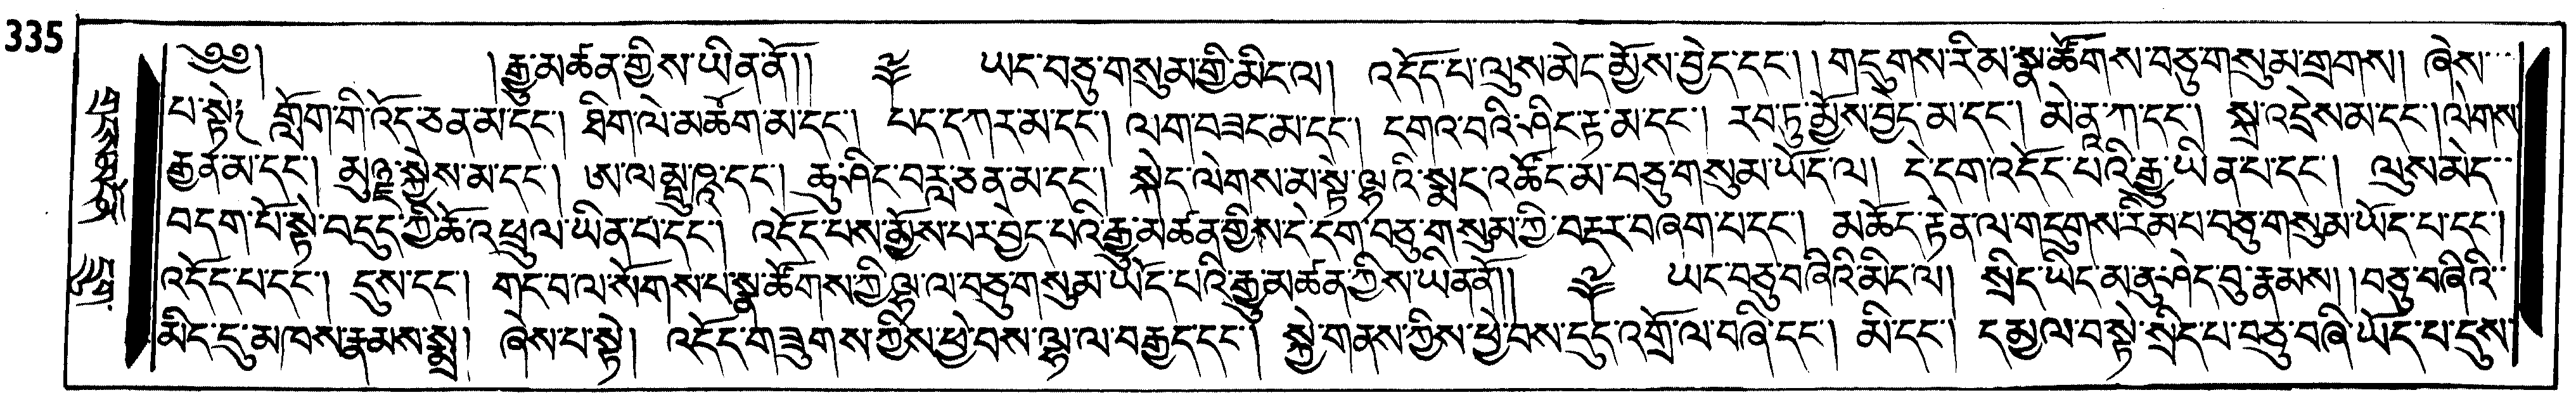༄༅། །རྒྱུ་མཚན་གྱིས་ཡིན་ནོ།། འ་ཡང་བཅུ་གསུམ་གྱི་མིང་ལ། འདོད་པ་ལུས་མེད་མྱོས་བྱེད་དང་། །གདུགས་རིམ་སྣ་ཚོགས་བཅུ་གསུམ་གྲངས། ཞེས་
པ་སྟེ༑ གློག་གི་འོད་ཅན་མ་དང་། ཐིག་ལེ་མཆག་མ་དང་། པད་དཀར་མ་དང་། ལག་བཟང་མ་དང་། དགའ་བའི་ཤིང་རྟ་མ་དང་། རབ་ཏུ་མྱོས་བྱེད་མ་དང་། མེ་ནཱ་ཀ་དང་། སྐྲ་འདྲེས་མ་དང་། ལེགས་
རྒྱན་མ་དང་། མུཉ་སྐྱེས་མ་དང་། ཨ་ལ་བུ་ཥཱ་དང་། ཆུ་ཤིང་བྲལ་ཅན་མ་དང་། སྐེད་ལེགས་མ་སྟེ་ལྷའི་སྨད་འཚོང་མ་བཅུ་གསུམ་ཡོད་ལ། དེ་དག་འདོད་པའི་རྒྱུ་ཡིན་པ་དང་། ལུས་མེད་
བདག་པོ་སྟེ་བདུད་ཀྱི་ཆོ་འཕྲུལ་ཡིན་པ་དང་། འདོད་པས་མྱོས་པར་བྱེད་པའི་རྒྱུ་མཚན་གྱིས་དེ་དག་བཅུ་གསུམ་ཀྱི་བརྡར་བཞག་པ་དང་། མཆོད་རྟེན་ལ་གདུགས་རིམ་པ་བཅུ་གསུམ་ཡོད་པ་དང་།
འདོད་པ་དང་། དུས་དང་། གང་བ་ལ་སོགས་པ་སྣ་ཚོགས་ཀྱི་ལྷ་ལ་བཅུ་གསུམ་ཡོད་པའི་རྒྱུ་མཚན་ཀྱིས་ཡིན་ནོ།། འ་ཡང་བཅུ་བཞིའི་མིང་ལ། སྲིད་ཡིད་མ་ནུ་ཤེད་བུ་རྣམས། །བཅུ་བཞིའི་
མིང་དུ་མཁས་རྣམས་སྨྲ། ཞེས་པ་སྟེ། འདོད་གཟུགས་ཀྱིས་ཕྱེ་བས་ལྷ་ལ་བརྒྱད་དང་། སྐྱེ་གནས་ཀྱིས་ཕྱེ་བས་དུད་འགྲོ་ལ་བཞི་དང་། མི་དང་། དམྱལ་བ་སྟེ་སྲིད་པ་བཅུ་བཞི་ཡོད་པ་དུས་